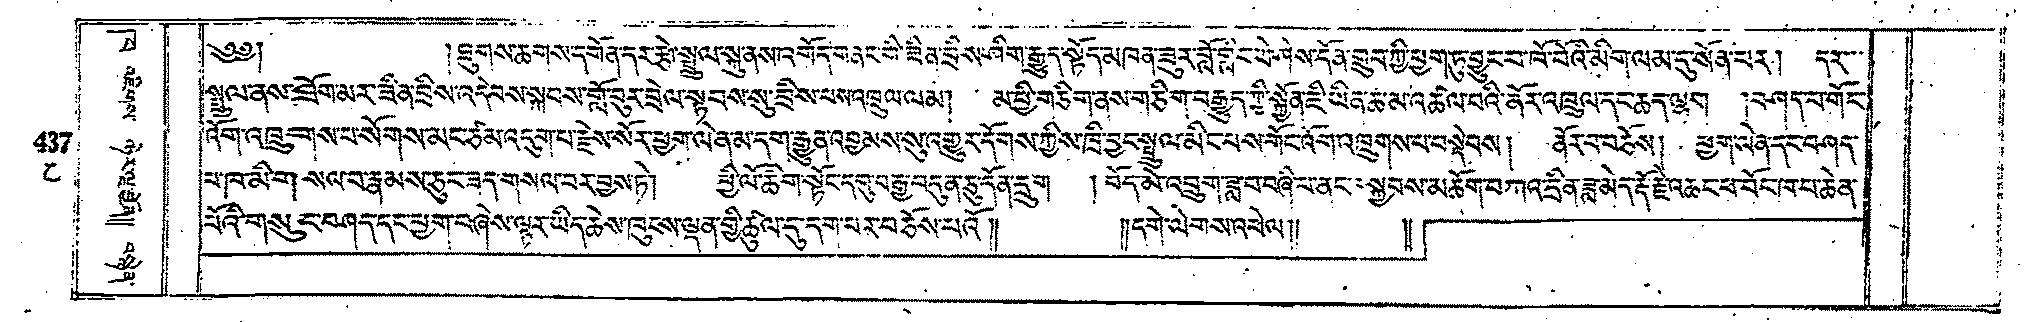༄༅། །ཐུགས་ཆགས་དགོན་དར་རྩེ་སྤྲུལ་སྐུ་ནས་འགོད་གནང་གི་ཟིན་བྲིས་ཤིག་རྒྱུད་སྟོད་མཁན་ཟུར་བློ་གླིང་ཡེ་ཤེས་དོན་གྲུབ་ཀྱི་ཕྱག་ཏུ་བྱུང་བ་ཁོ་བོའི་མིག་ལམ་དུ་སོན་པར། དར་་་
སྤྲུལ་ནས་ཐོག་མར་ཟིན་བྲིས་འདེབས་སྐབས་གློ་བུར་བྲེལ་སྟབས་སུ་བྲིས་པས་འཁྲུལ་ལམ། མ་ཕྱི་གཅིག་ནས་གཅིག་བརྒྱུད་ཀྱི་སྐྱོན་ཇི་ཡིན་ཆ་མ་འཚལ་བའི་ནོར་འཁྲུལ་དང་ཆད་ལྷག །བཤད་པ་གོང་
འོག་འཁྲུགས་པ་སོགས་མང་ཙམ་འདུག་པ་རྗེས་སོར་ཕྱག་ལེན་མ་དག་རྒྱུན་འབྱམས་སུ་འགྱུར་དོགས་ཀྱིས་ཁྲི་བྱང་སྤྲུལ་མིང་པས་གོང་འོག་འཁྲུགས་པ་བསྡེབས། ནོར་བ་བཅོས། ཕྱག་ལེན་དང་བཤད་
པ་ཁ་མི་གསལ་བ་རྣམས་ཅུང་ཟད་གསལ་བར་བྱས་ཏེ། ཕྱི་ལོ་ཆིག་སྟོང་དགུ་བརྒྱ་བདུན་ཅུ་དོན་དྲུག །བོད་མེ་འབྲུག་ཟླ་བ་བཞི་པ་ནང ༧སྐྱབས་མཆོག་བཀའ་དྲིན་ཟླ་མེད་རྡོ་རྗེ་འཆང་ཕ་བོང་ཁ་པ་ཆེན་
པོའི་གསུང་བཤད་དང་ཕྱག་བཞེས་ལྟར་ཡིད་ཆེས་ཁུངས་ལྡན་གྱི་ཚུལ་དུ་དག་པར་བཅོས་པའོ།། །།དགེ་ལེགས་འཕེལ།། །།